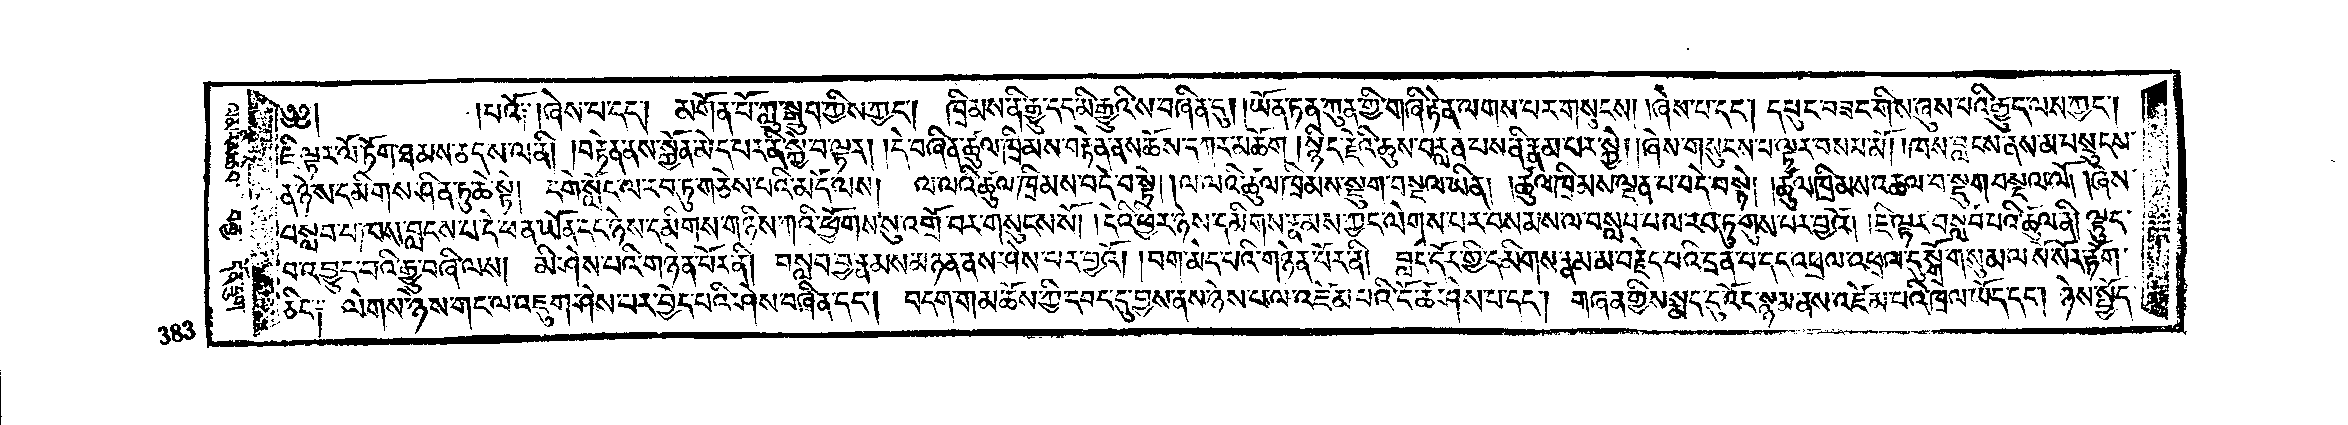༄༅། །པའོ༑ ༑ཞེས་པ་དང་། མགོན་པོ་ཀླུ་སྒྲུབ་ཀྱིས་ཀྱང་། ཁྲིམས་ནི་རྒྱུ་དང་མི་རྒྱུའི་ས་བཞིན་དུ། །ཡོན་ཏན་ཀུན་གྱི་གཞི་རྟེན་ལགས་པར་གསུངས། །ཞེས་པ་དང་། དཔུང་བཟང་གིས་ཞུས་པའི་རྒྱུད་ལས་ཀྱང་།
ཇི་ལྟར་ལོ་ཏོག་ཐམས་ཅད་ས་ལ་ནི། །བརྟེན་ནས་སྐྱོན་མེད་པར་ནི་སྐྱེ་བ་ལྟར། །དེ་བཞིན་ཚུལ་ཁྲིམས་བརྟེན་ནས་ཆོས་དཀར་མཆོག །སྙིང་རྗེའི་ཆུས་བརླན་པས་ནི་རྣམ་པར་སྐྱེ། །ཞེས་གསུངས་པ་ལྟར་བསམ་མོ། །ཁས་བླངས་ནས་མ་བསྲུངས་
ན་ཉེས་དམིགས་ཤིན་ཏུ་ཆེ་སྟེ། དགེ་སློང་ལ་རབ་ཏུ་གཅེས་པའི་མདོ་ལས། ལ་ལའི་ཚུལ་ཁྲིམས་བདེ་བ་སྟེ། །ལ་ལའི་ཚུལ་ཁྲིམས་སྡུག་བསྔལ་ཡིན། །ཚུལ་ཁྲིམས་ལྡན་པ་བདེ་བ་སྟེ། །ཚུལ་ཁྲིམས་འཆལ་བ་སྡུག་བསྔལ་ལོ། །ཞེས་
བསླབ་པ་ཁས་བླངས་པ་དེ་ཕན་ཡོན་དང་ཉེས་དམིགས་གཉིས་ཀའི་ཕྱོགས་སུ་འགྲོ་བར་གསུངས་སོ། །དེའི་ཕྱིར་ཉེས་དམིགས་རྣམས་ཀྱང་ལེགས་པར་བསམས་ལ་བསླབ་པ་ལ་རབ་ཏུ་གུས་པར་བྱའོ། །ཇི་ལྟར་བསླབ་པའི་ཚུལ་ནི། ལྟུང་
བ་འབྱུང་བའི་རྒྱུ་བཞི་ལས། མི་ཤེས་པའི་གཉེན་པོར་ནི། བསླབ་བྱ་རྣམས་མཉན་ནས་ཤེས་པར་བྱའོ། །བག་མེད་པའི་གཉེན་པོར་ནི། བླང་དོར་གྱི་དམིགས་རྣམ་མ་བརྗེད་པའི་དྲན་པ་དང་འཕྲལ་འཕྲལ་དུ་སྒོ་གསུམ་ལ་སོ་སོར་རྟོག་
ཅིང༑ ལེགས་ཉེས་གང་ལ་འཇུག་ཤེས་པར་བྱེད་པའི་ཤེས་བཞིན་དང་། བདག་གམ་ཆོས་ཀྱི་དབང་དུ་བྱས་ནས་ཉེས་པ་ལ་འཛེམ་པའི་ངོ་ཚ་ཤེས་པ་དང་། གཞན་གྱིས་སྨད་དུ་འོང་སྙམ་ནས་འཛེམ་པའི་ཁྲེལ་ཡོད་དང་། ཉེས་སྤྱོད་